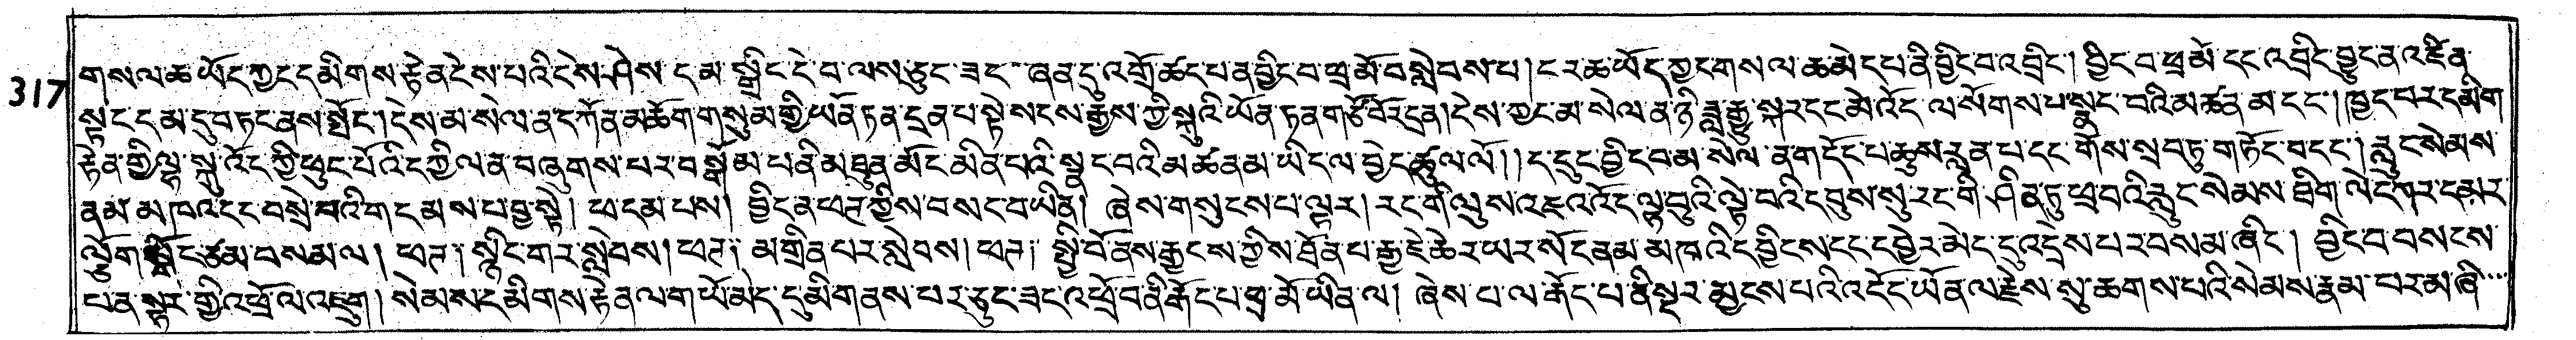གསལ་ཆ་ཡོད་ཀྱང་དམིགས་རྟེན་ངེས་པའི་ངེས་ཤེས་དམ་སྒྲིང་ངེ་བ་ལས་ཅུང་ཟད་ཞན་དུ་འགྲོ་ཚད་པ་ན་བྱིང་བ་ཕྲ་མོ་བསླེབས་པ། ངར་ཆ་ཡོད་ཀྱང་གསལ་ཆ་མེད་པ་ནི་བྱིང་བ་འབྲིང་། བྱིང་བ་ཕྲ་མོ་དང་འབྲིང་བྱུང་ན་འཛིན་
སྟང་དམ་དུ་བཏང་ནས་སྤོང་། དེས་མ་སེལ་ན་དཀོན་མཆོག་གསུམ་གྱི་ཡོན་ཏན་དྲན་པ་སྟེ་སངས་རྒྱས་ཀྱི་སྐུའི་ཡོན་ཏན་གཙོ་བོར་དྲན། དེས་ཀྱང་མ་སེལ་ན་ཉི་ཟླ་རྒྱུ་སྐར་དང་མེ་འོད་ལ་སོགས་པ་སྣང་བའི་མཚན་མ་དང་། ཁྱད་པར་དམིག་
རྟེན་གྱི་ལྷ་སྐུ་འོད་ཀྱི་ཕུང་པོའི་དཀྱིལ་ན་བཞུགས་པར་བསྒོམ་པ་ནི་མཐུན་མོང་མིན་པའི་སྣང་བའི་མཚན་མ་ཡིད་ལ་བྱེད་ཚུལ་ལོ། །ད་དུང་བྱིད་བ་མ་སེལ་ན་གདོང་པ་ཆུས་རླན་པ་དང་གོས་སྲབ་ཏུ་གཏོང་བ་དང་། རླུང་སེམས་
ནམ་མཁའ་དང་བསྲེ་བའི་གདམས་པ་བྱ་སྟེ། ཕ་དམ་པས། བྱིད་ན་ཕགས་ཀྱིས་བསང་བ་ཡིན། ཞེས་གསུངས་པ་ལྟར། རང་གི་ལུས་འཇའ་འོད་ལྟ་བུའི་ལྟེ་བའི་དབུས་སུ་རང་གི་ཤིན་ཏུ་ཕྲ་བའི་རླུང་སེམས་ཐིག་ལེ་དཀར་དམར་
ལྕོག་སྒོང་ཙམ་བསམ་ལ། ཕགས༑ སྙིང་གར་སླེབས། ཕགས༑ མགྲིན་པར་སླེབས། ཕགས༑ སྤྱི་བོ་ནས་རྒྱངས་ཀྱིས་ཐོན་པ་རྒྱ་ཇེ་ཆེར་ཡར་སོང་ནམ་མཁའི་དབྱིངས་དང་དབྱེར་མེད་དུ་འདྲེས་པར་བསམ་ཞིང་། བྱིང་བ་བསངས་
པ་ན་སྟར་གྱི་འཕྲོ་ལ་འཇུག །སེམས་དམིགས་རྟེན་ལ་གཡོ་མེད་དུ་མི་གནས་པར་ཅུང་ཟད་འཕྲོ་བ་ནི་རྒོད་པ་ཕྲ་མོ་ཡིན་ལ། ཞེས་པ་ལ་རྒོད་པ་ནི་སྔར་མྱངས་པའི་འདོད་ཡོན་ལ་རྗེས་སུ་ཆགས་པའི་སེམས་རྣམ་པར་མ་ཞི་